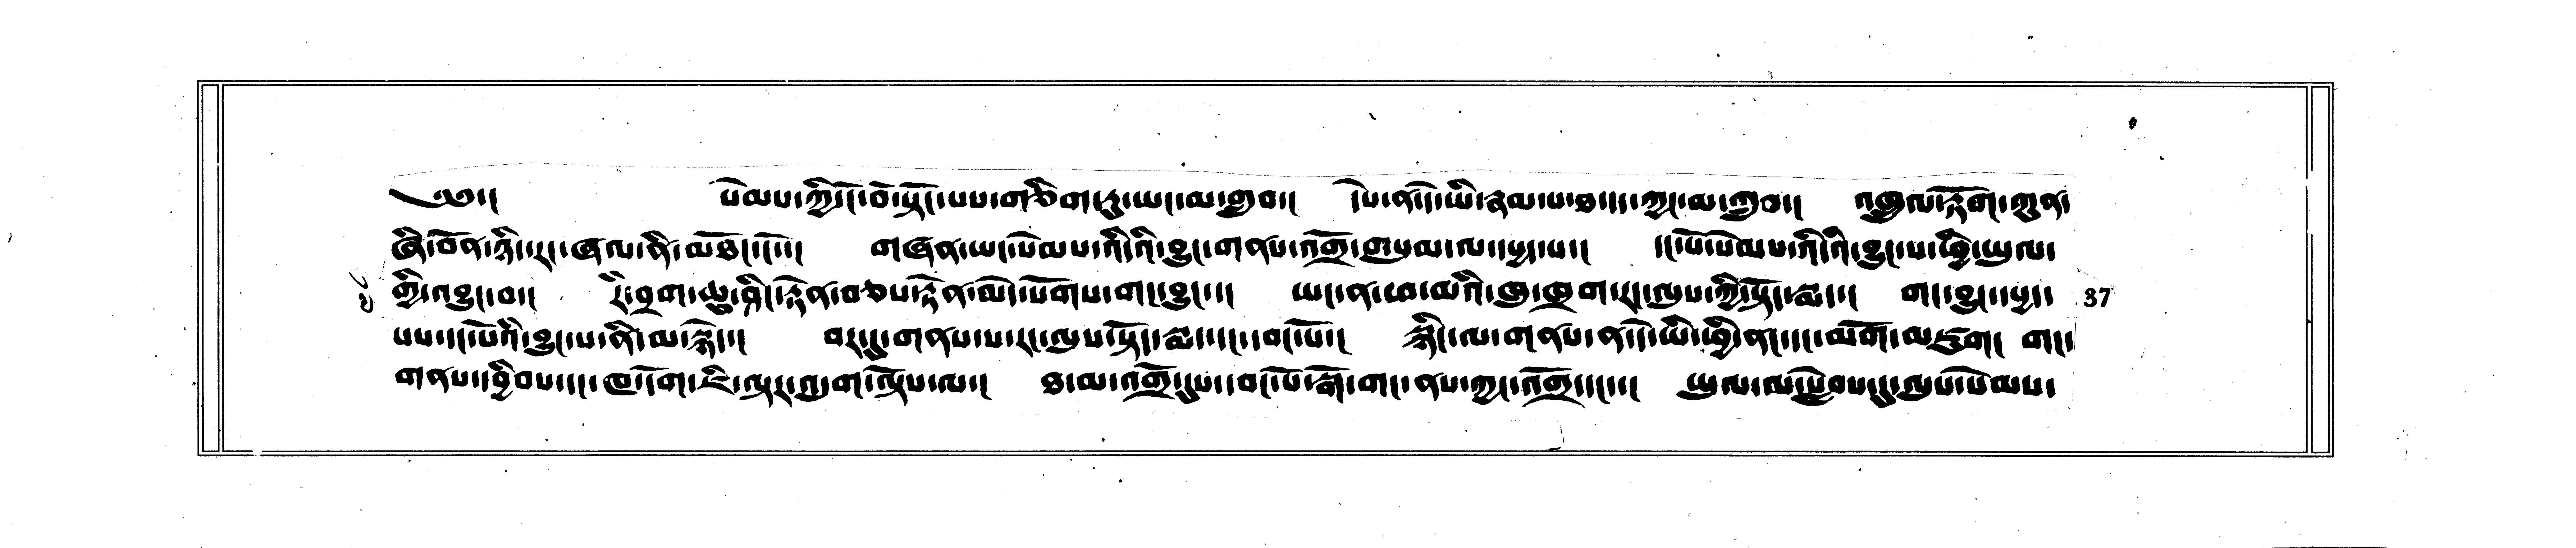སེམས་ཀྱི་ངོ་བོ་སྟོང་པས་གཅིག་ཏུ་ཡང་མ་གྲུབ། །དེས་ན་དེ་ཡི་རྣམ་པ་ཐ་དད་དུ་མ་གྲུབ། །འཁྲུལ་རྟོག་ཀུན་
ཞི་བོན་ཉིད་རང་ཞལ་ནི་མཐོང་ངོ་། །གཞན་ཡང་སེམས་འདིའི་འབྱུང་གནས་འགྲོ་གསུམ་ལ་དཔྱད་པ། །དང་པོ་སེམས་འདིའི་བྱུང་བ་ཕྱི་ཡུལ་
གྱི་འབྱུང་བ། །རི་བྲག་ཆུ་ཤིང་རྟེན་བཅས་རྟེན་མེད་སོགས་གང་བྱུང་། །ཡང་ན་ཕ་མའི་ཁུ་ཁྲག་རང་ལུས་ཀྱི་སྟོད་སྨད་། །གང་བྱུང་དཔྱད་
པས་དང་པོའི་བྱུང་བ་ནི་མ་རྙེད། །བར་དུ་གནས་ས་རང་ལུས་སྟོད་སྨད་དང་དབང་པོ། །སྙིང་ལ་གནས་ན་དེ་ཡི་ཕྱི་ནང་དང་མགོ་མཇུག །གང་
གནས་དབྱིབས་དང་ཁ་དོག་ཇི་ལྟར་འདུག་ལྟོས་ལ། །ཐ་མ་འགྲོ་དུས་དབང་པོ་སྒོ་གང་ནས་ཀྱང་འགྲོ་དང་། །ཡུལ་ལ་སླེབས་དུས་ལུས་སེམས་